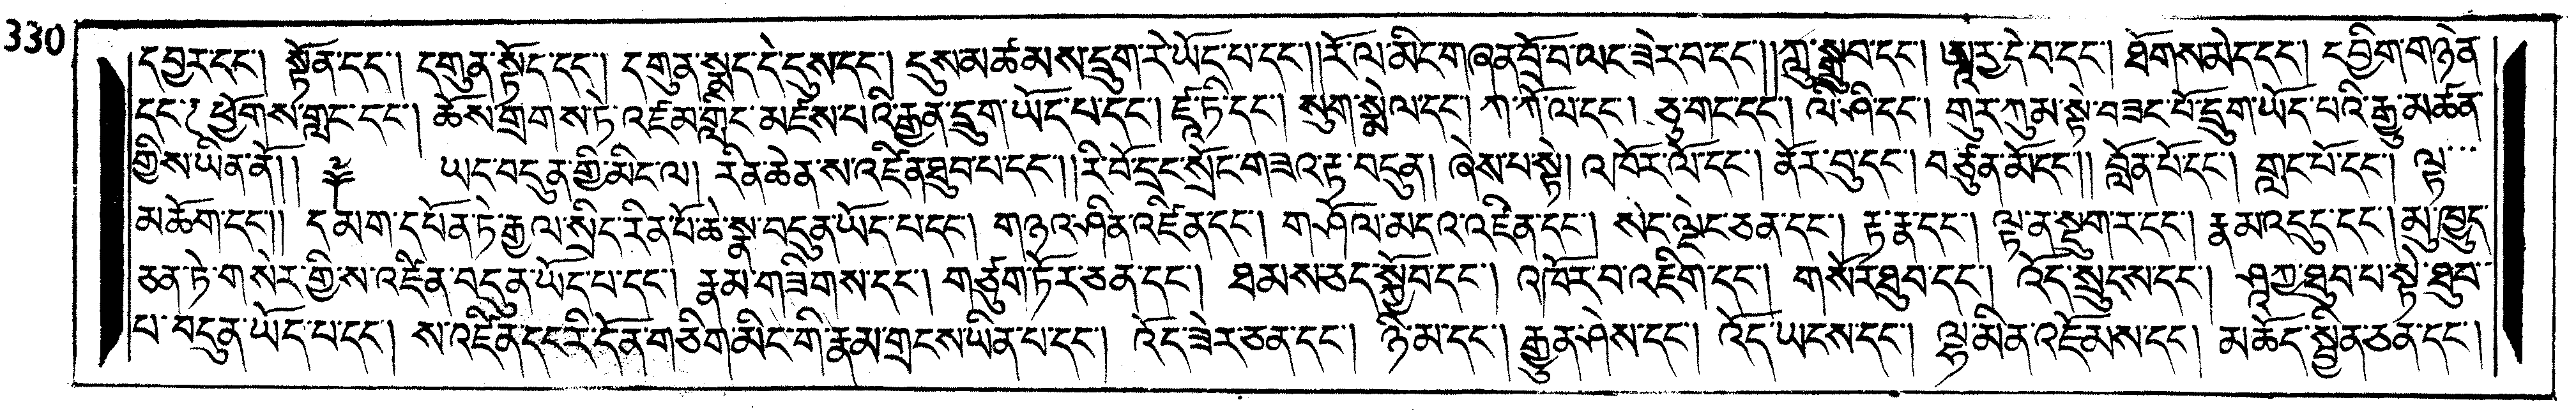དབྱར་དང་། སྟོན་དང་། དགུན་སྟོད་དང་། དགུན་སྨད་དེ་དུས་དང་། དུས་མཚམས་དྲུག་རེ་ཡོད་པ་དང་། །རོ་ལ་མིང་གཞན་བྲོ་བ་ལང་ཟེར་བ་དང་། །ཀླུ་སྒྲུབ་དང་། ཨཱརྱ་དེ་བ་དང་། ཐོགས་མེད་དང་། དབྱིག་གཉེན་
དང༑ ཕྱོགས་གླང་དང་། ཆོས་གྲགས་ཏེ་འཛམ་གླིང་མཛས་པའི་རྒྱན་དྲུག་ཡོད་པ་དང་། རྫའ་ཏི་དང་། སུག་སྨེལ་དང་། ཀ་ཀོ་ལ་དང་། ཅུ་གང་དང་། ལི་ཤི་དང་། གུར་ཀུམ་སྟེ་བཟང་པོ་དྲུག་ཡོད་པའི་རྒྱུ་མཚན་
གྱིས་ཡིན་ནོ།། འ་ཡང་བདུན་གྱི་མིང་ལ། རིན་ཆེན་ས་འཛིན་ཐུབ་པ་དང་། །རི་བོ་དྲང་སྲོང་གཟའ་རྟ་བདུན། ཞེས་པ་སྟེ། འཁོར་ལོ་དང་། ནོར་བུ་དང་། བཙུན་མོ་དང་། །བློན་པོ་དང་། གླང་པོ་དང་། ལྟ་
མཆོག་དང་། །དམག་དཔོན་ཏེ་རྒྱལ་སྲིད་རིན་པོ་ཆེ་སྣ་བདུན་ཡོད་པ་དང་། གཉའ་ཤིན་འཛིན་དང་། གཤོལ་མངའ་འཛིན་དང་། སེང་ལྡེང་ཅན་དང་། རྟ་རྣ་དང་། ལྷ་ན་སྡུག་ར་དང་། རྣམ་འདུད་དང་། མུ་ཁྱུད་
ཅན་ཏེ་གསེར་གྱི་ས་འཛིན་བདུན་ཡོད་པ་དང་། རྣམ་གཟིགས་དང་། གཙུག་ཏོར་ཅན་དང་། ཐམས་ཅད་སྐྱོབ་དང་། འཁོར་བ་འཇིག་དང་། གསོར་ཐུབ་དང་། འོད་སྲུངས་དང་། ཤཱཀྱ་ཐུབ་པ་སྟེ་ཐུབ་
པ་བདུན་ཡོད་པ་དང་། ས་འཛིན་དང་རི་དོན་གཅིག་མིང་གི་རྣམ་གྲངས་ཡིན་པ་དང་། འོད་ཟེར་ཅན་དང་། ཉི་མ་དང་། རྒྱུན་ཤེས་དང་། འོད་ཡངས་དང་། ལྷ་མིན་འཇོམས་དང་། མཆོད་སྦྱིན་ཅན་དང་།